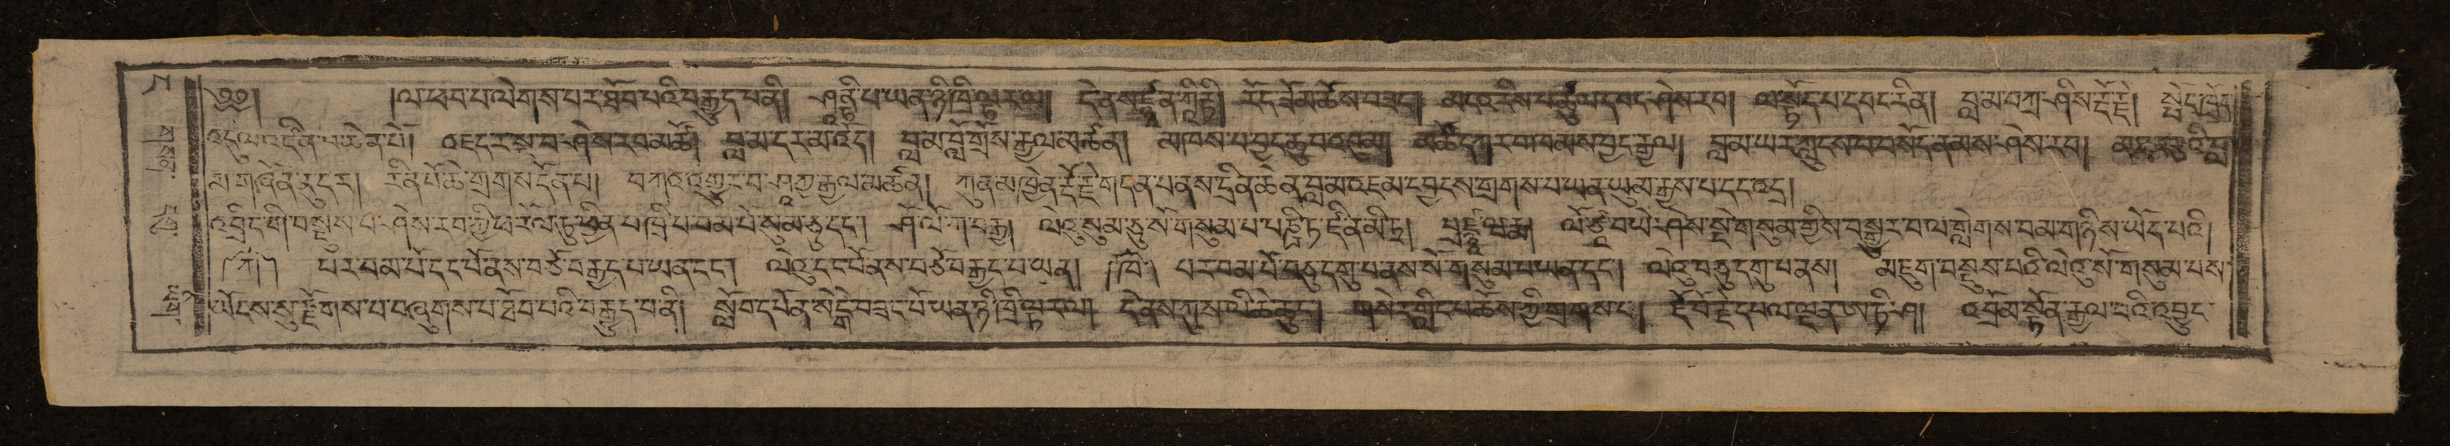༄༅། །ལ་ཕའ་བ་ལེགས་བར་ཐོབ་བའི་བརྒྱུད་པ་ནི། ཤཱནྷི་བ་ཡན་ཉི་ཁྲི་ལྟར་ལ། དེ་ནས་ཛྙཱ་ན་ཀཱི་རྟི། རོང་ཟོམ་ཆོས་བཟང་། མངའ་རིས་བ་ཚུལ་དབང་ཤེས་རབ། ལ་སྟོད་པ་དབང་རིན། བླ་མ་བཀྲ་ཤིས་རྡོ་རྗེ། སྤོང་ཁྲེད་
འདུལ་འཛིན་པ་ཆེན་པོ། འཇད་ར་སྣང་ཤེས་རབ་མཚོ། བླ་མ་དར་མ་འོད། བླ་མ་བློ་གྲོས་རྒྱལ་མཚན། མཁས་པ་བྱང་ཆུབ་འབུམ། མཚོ་དཀར་འཁམས་བྱང་རྒྱལ། བླ་མ་ཡར་ཀླུངས་པ་བསོད་ནམས་ཤེས་རབ། མཐར་རྩའི་བླ་
མ་གཞོན་ནུ་དར། རིན་པོ་ཆེ་གྲགས་དོན་པ། བཀའ་འགྱུར་པ་ཤཱཀྱ་རྒྱལ་མཚན། ཀུན་མཁྱེན་རྡོ་རྗེ་གདན་པ་ནས་དྲིན་ཆེན་བླ་མ་འཇམ་དབྱངས་གྲགས་པ་ཡན་ཡུམ་རྒྱས་པ་དང་འདྲ།
འབྲིང་གི་བསྡུས་པ་ཤེས་རབ་ཀྱི་ཕ་རོལ་ཏུ་ཕྱིན་པ་ཁྲི་པ་བམ་བོ་སུམ་ཅུ་དང་། ཤོ་ལོ་ཀ་བརྒྱ། ལེའུ་སུམ་ཅུ་སོ་གསུམ་པ་པཎྜི་ཏ་ཛི་ན་མི་ཏྲ། པྲཛྙཱ་ཝ་རྨ། ལོ་ཙཱ་བ་ཡེ་ཤེས་སྡེ་གསུམ་གྱིས་བསྒྱུར་བ་ལ་གླེགས་བམ་གཉིས་ཡོད་པའི།
{ཀ}་པར་བམ་པོ་དང་པོ་ནས་བཅོ་བརྒྱད་པ་ཡན་དང་། ལེའུ་དང་བོ་ནས་བཅོ་བརྒྱད་པ་ཡན། {ཁ}་པར་བམ་པོ་བཅུ་དགུ་པ་ནས་སོ་གསུམ་པ་ཡན་དང་། ལེའུ་བཅུ་དགུ་པ་ནས། འཇུག་བསྡུས་པའི་ལེའུ་སོ་གསུམ་པས་
ཡོངས་སུ་རྫོགས་པ་བཞུགས་པ་ཐོབ་པའི་བརྒྱུད་པ་ནི། སློབ་དཔོན་སེངྒེ་བཟང་པོ་ཡན་ཉི་ཁྲི་ལྟར་ལ། དེ་ནས་ཀུ་ས་ལི་ཆེ་ཆུང་། གསེར་གླིང་པ་ཆོས་ཀྱི་གྲགས་པ། ཇོ་བོ་རྗེ་དཔལ་ལྡན་ཨ་ཏི་ཤ། འབྲོམ་སྟོན་རྒྱལ་བའི་འབྱུང་